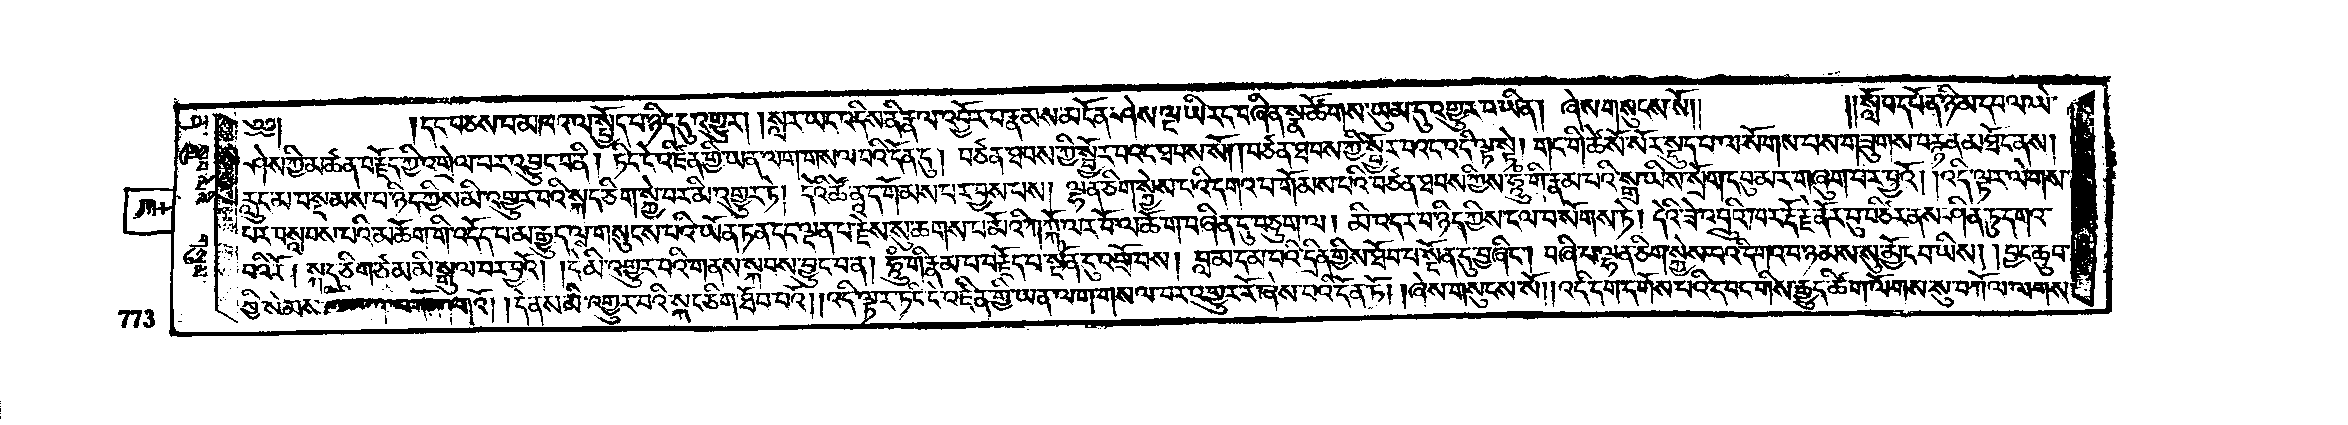༄༅། །དང་བཅས་པ་མཁའ་ལ་སྤྱོད་པ་ཉིད་དུ་འགྱུར། །སླར་ཡང་འདིས་ནི་རྣལ་འབྱོར་པ་རྣམས་མངོན་ཤེས་ལྔ་ཡི་རང་བཞིན་སྣ་ཚོགས་ཡུམ་དུ་འགྱུར་བ་ཡིན། ཞེས་གསུངས་སོ།། །།སློབ་དཔོན་ཉི་མ་དཔལ་ཡེ་
ཤེས་ཀྱི་མཚན་བརྗོད་ཀྱི་འགྲེལ་པར་འབྱུང་བ་ནི། ཏིང་ངེ་འཛིན་གྱི་ཡན་ལག་གསལ་བའི་དོན་དུ། བཙན་ཐབས་ཀྱི་སྦྱོར་བའང་ཐབས་སོ། །བཙན་ཐབས་ཀྱི་སྦྱོར་བའང་འདི་ལྟ་སྟེ། གང་གི་ཚེ་སོ་སོར་སྡུད་པ་ལ་སོགས་པས་གཟུགས་བརྙན་མཐོང་ནས།
རླུང་མ་བསྡམས་པ་ཉིད་ཀྱིས་མི་འགྱུར་བའི་སྐད་ཅིག་སྐྱེ་བར་མི་འགྱུར་ཏེ། དེའི་ཚེ་ནཱ་ད་གོམས་པར་བྱས་པས། ལྷན་ཅིག་སྐྱེས་པའི་དགའ་བ་གོམས་པའི་བཙན་ཐབས་ཀྱིས་ཧཱུཾ་གི་རྣམ་པའི་སྒྲ་ཡིས་སྲོག་དབུ་མར་གཞུག་པར་བྱའོ། །འདི་ལྟར་ལེགས་
པར་བསླབས་པའི་མཆོག་གི་འདོད་པ་མ་རྒྱུད་ལས་གསུངས་པའི་ཡོན་ཏན་དང་ལྡན་པ་རྗེས་སུ་ཆགས་པ་མོའི་ཀ་ཀྐོ་ལར་བོ་ལ་ཆོ་ག་བཞིན་དུ་བཅུག་ལ། མི་འདར་བ་ཉིད་ཀྱིས་ངལ་བ་སོགས་ཏེ། དེའི་ཟེ་འབྲུའི་ཁར་རྡོ་རྗེ་ནོར་བུ་བཙིར་ནས་ཤིན་ཏུ་དགའ་
བའི་རོས་སྐད་ཅིག་ཙམ་མི་སྒུལ་བར་བྱའོ། །དེ་མི་འགྱུར་བའི་གནས་སྐབས་བྱུང་བ་ན། ཧཱུཾ་གི་རྣམ་པ་བརྗོད་པ་སྔོན་དུ་འགྲོ་བས། བླ་མ་དམ་པའི་དྲིན་གྱིས་ཐོབ་པ་སྔོན་དུ་བྱ་ཞིང་། བཞི་པ་ལྷན་ཅིག་སྐྱེས་པའི་དགའ་བ་ཉམས་སུ་མྱོང་བ་ཡིས། །བྱང་ཆུབ་
ཀྱི་སེམས་ཀྱི་ཐིག་ལེ་འགོག་པའོ། །དེ་ནས་མི་འགྱུར་བའི་སྐད་ཅིག་ཐོབ་པའོ། །འདི་ལྟར་ཏིང་ངེ་འཛིན་གྱི་ཡན་ལག་གསལ་བར་འགྱུར་རོ་ཞེས་པའི་དོན་ཏོ། །ཞེས་གསུངས་སོ། །འདི་དག་དགོས་པའི་དབང་གིས་རྒྱུད་ཚིག་ལོགས་སུ་བཀོལ་ལགས་